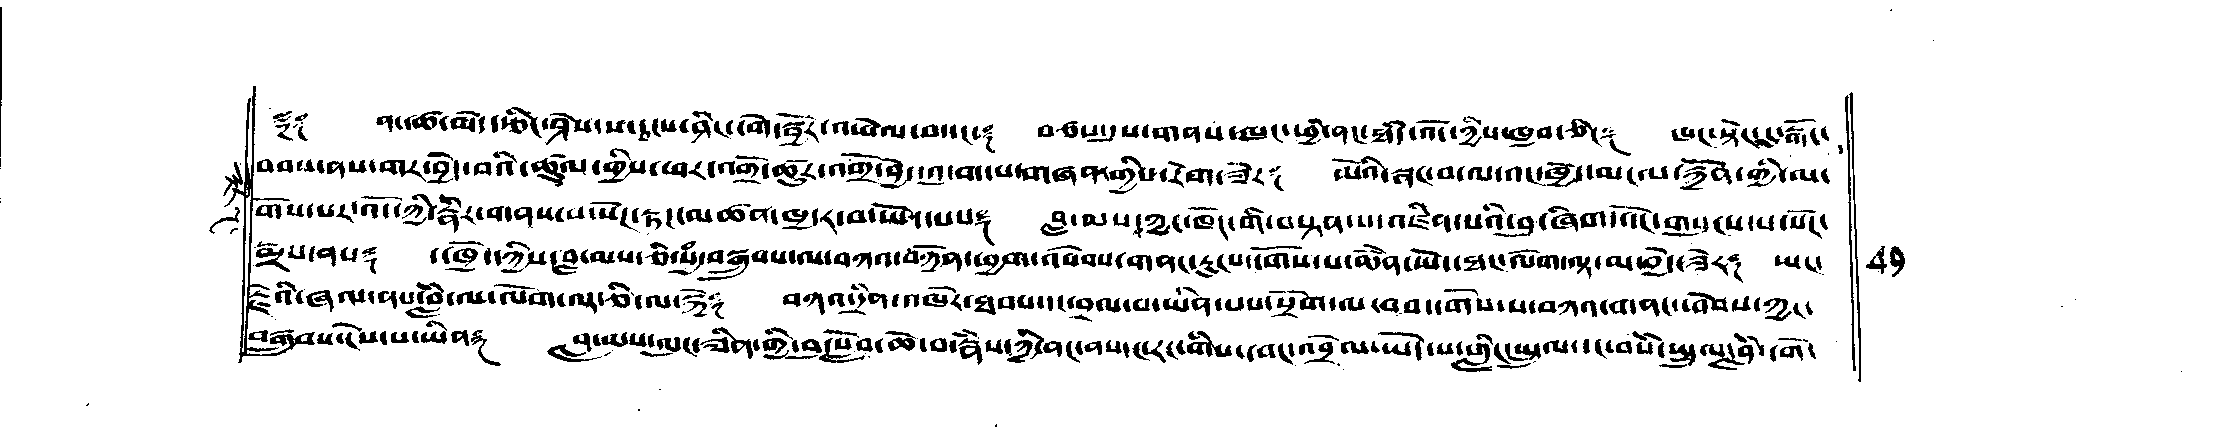ན་ཚ་མེད་ཅིང་ཤེས་པ་དྭངས་ཤིང་དགེ་སྦྱོར་འཕེལ་བ་དང་། བཙས་དུས་གནས་ཁང་ཕྱི་ནང་ཐམས་ཅད་འོད་ཀྱིས་ཁྱབ་ཅིང་། ཁང་སྟེང་དུ་རྒོད་
བབས་ནས་གར་བྱེད་པའི་ཚུལ་གྱིས་ཕར་འགྲོ་ཚུར་འགྲོ་བྱེད་འདུག་པ་གཞན་གྱིས་རིག་ཟེར། མོའི་སྣང་བ་ལའང་ཁྱོད་མངལ་སྐྱོན་གྱི་མ་
གོས་པར་འོད་ཀྱི་རྣམ་པར་གནས་པ་སོགས་རྟགས་མཚན་ཁྱད་པར་བ་ཡོད་པས། བླ་མས་ཀྱང་ཁོང་གི་བསྟན་པ་འཛིན་པའི་བུ་ཞིག་འོང་གསུངས་པ་སོགས་
སྨྲས་ནས། ད་ཁྱོད་ཀྱིས་བླ་མས་ཅི་གསུང་བསྒྲུབ་ལ་བཀའ་བཀྱོན་ཕྱག་འབེབས་གནང་རུང་དགོས་པ་ཆེན་པོ་ཡོད་ཐང་ལོག་ལྟ་མ་བྱེད་ཟེར། ཡང་
རྗེའི་ཞལ་ནས་བླ་མ་ལ་ལོག་ལྟ་ཅི་ལ་སྐྱེ། བཀའ་དྲིན་འཁོར་ཐབས་དང་བྲལ་བ་ཡིན་པས་སྲོག་ལ་བབ་དགོས་པ་བཀའ་གནང་ཕེབས་ཀྱང་
བསྒྲུབ་ངེས་པ་ཡིན། བླ་མས་ལུང་ཟིན་གྱི་བུ་སློབ་ཆེ་བ་རྣམས་ཀྱི་ནང་ནས་ང་རང་གིས་དབང་འབྲེལ་ཡོད་པ་གླིང་སྤྲུལ་དང་བསམ་སྤྲུལ་བླ་མ་དགེ་